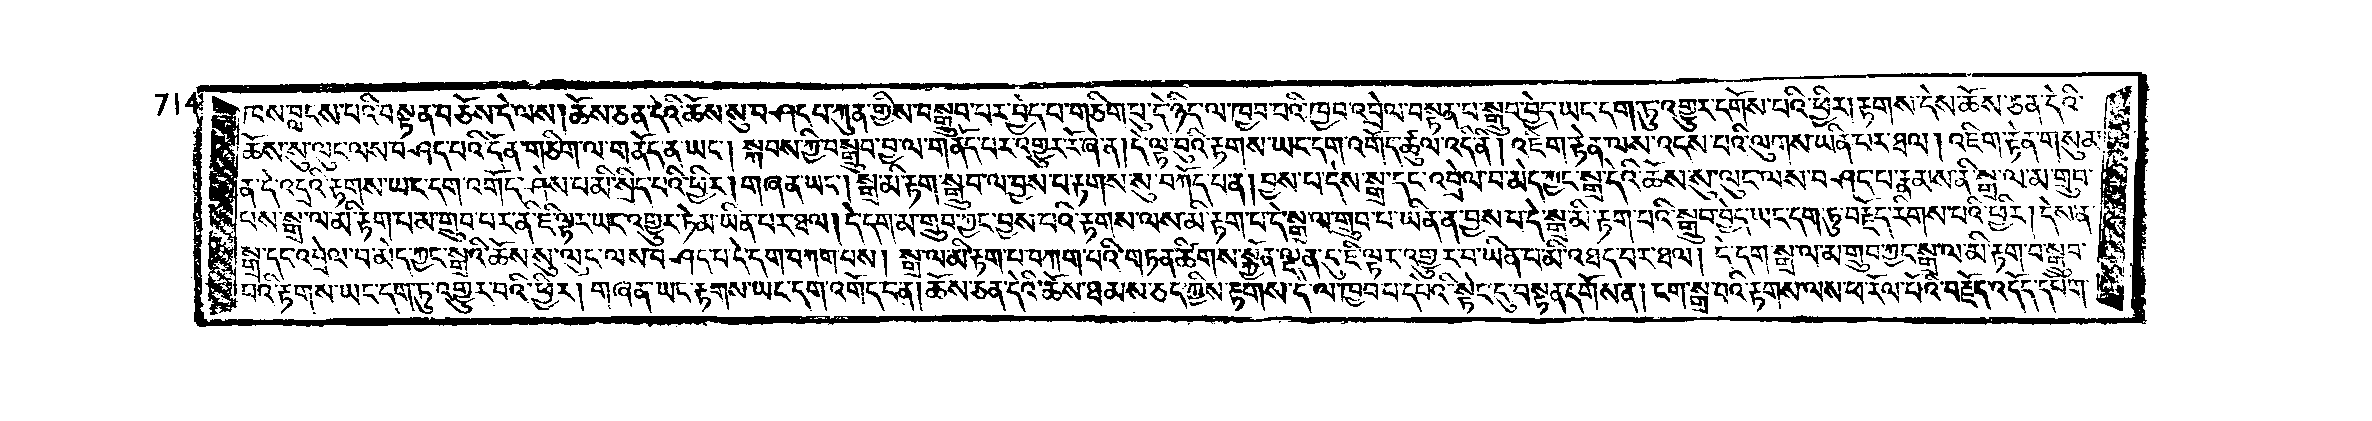ཁས་བླངས་པའི་བསྟན་བཅོས་དེ་ལས། ཆོས་ཅན་དེའི་ཆོས་སུ་བཤད་པ་ཀུན་གྱིས་བསྒྲུབ་པར་བྱེད་པ་གཅིག་པུ་དེ་ཉིད་ལ་ཁྱབ་པའི་ཁྱབ་འབྲེལ་བསྟན་པ་སྒྲུབ་བྱེད་ཡང་དག་ཏུ་འགྱུར་དགོས་པའི་ཕྱིར། རྟགས་དེས་ཆོས་ཅན་དེའི་
ཆོས་སུ་ལུང་ལས་བཤད་པའི་དོན་གཅིག་ལ་གནོད་ན་ཡང་། སྐབས་ཀྱི་བསྒྲུབ་བྱ་ལ་གནོད་པར་འགྱུར་རུ་ཞེ་ན། དེ་ལྟ་བུའི་རྟགས་ཡང་དྶག་འགོད་ཚུལ་འདི་ནི། འཇིག་རྟེན་ལས་འདས་པའི་ལུགས་ཡིན་པར་ཐལ། འཇིག་རྟེན་གསུ་
ན་དེ་འདྲའི་རྟགས་ཡང་དག་འགོད་ཤེས་པ་མི་སྲིད་པའི་ཕྱིར། གཞན་ཡང་། སྒྲ་མི་རྟག་སྒྲུབ་ལ་བྱས་པ་རྟགས་སུ་བཀོད་པ་ན། བྱས་པ་དེས་སྒྲ་དང་འབྲེལ་བ་མེད་ཀྱང་སྒྲ་དེའི་ཆོས་སུ་ལུང་ལས་བཤད་པ་རྣམས་ནི་སྒྲ་ལ་མ་གྲུབ་
པས་སྒྲ་ལ་མི་རྟག་པ་མ་གྲུབ་པར་ནི་ཇི་ལྟར་ཡང་འགྱུར་ཏེ་མ་ཡིན་པར་ཐལ། དེ་དག་མ་གྲུབ་ཀྱང་བྱས་པའི་རྟགས་ལས་མི་རྟག་པ་དེ་སྒྲ་ལ་གྲུབ་པ་ཡིན་ན་བྱས་པ་དེ་སྒྲ་མི་རྟག་པའི་སྒྲུབ་བྱེད་ཡང་དག་ཏུ་བརྗོད་རིགས་པའི་ཕྱིར། དེས་ན་
སྒྲ་དང་འབྲེལ་བ་མེད་ཀྱང་སྒྲའི་ཆོས་སུ་ལུང་ལས་བཤད་པ་དེ་དག་བཀག་པས། སྒྲ་ལ་མི་རྟག་པ་བཀག་པའི་གཏན་ཚིགས་སྐྱོན་ལྡན་དུ་ཇི་ལྟར་འགྱུར་བ་ཡིན་པ་མི་འཐད་པར་ཐལ། དེ་དག་སྒྲ་ལ་མ་གྲུབ་ཀྱང་སྒྲ་ལ་མི་རྟག་བསྒྲུབ་
པའི་རྟགས་ཡང་དག་ཏུ་འགྱུར་བའི་ཕྱིར། གཞན་ཡང་རྟགས་ཡང་དག་འགོད་པ་ན། ཆོས་ཅན་དེའི་ཆོས་ཐམས་ཅད་ཀྱིས་རྟགས་དེ་ལ་ཁྱབ་པ་དཔེའི་སྟེང་དུ་བསྟན་དགོས་ན། ངག་སྒྲ་བའི་རྟགས་ལས་ཕ་རོལ་པོའི་བརྗོད་འདོད་དཔོག་